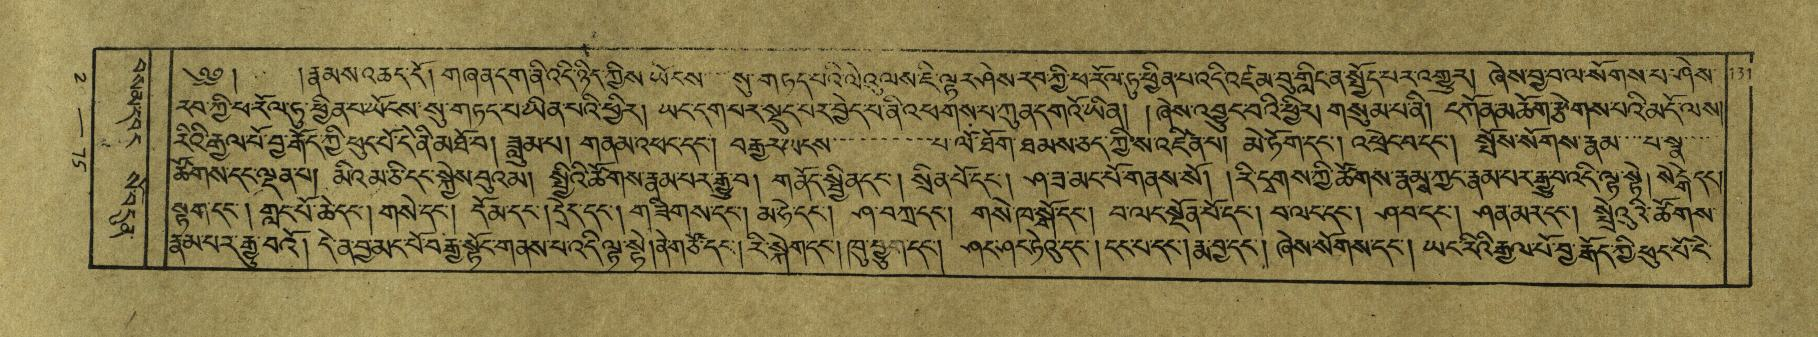༄༅། །རྣམས་འཆད་དོ། གཞན་དག་ནི་འདི་ཉིད་ཀྱིས་ཡོངས་སུ་གཏད་པའི་ལེའུ་ལས་ཇི་ལྟར་ཤེས་རབ་ཀྱི་ཕ་རོལ་ཏུ་ཕྱིན་པ་འདི་འཛམ་བུ་གླིང་ན་སྤྱོད་པར་འགྱུར། ཞེས་བྱ་བ་ལ་སོགས་པ་ཤེས་
རབ་ཀྱི་ཕ་རོལ་ཏུ་ཕྱིན་པ་ཡོངས་སུ་གཏད་པ་ཡིན་པའི་ཕྱིར། ཡང་དག་པར་སྡུད་པར་བྱེད་པ་ནི་འཕགས་པ་ཀུན་དགའོ་ཡིན། །ཞེས་འབྱུང་བའི་ཕྱིར། གསུམ་པ་ནི། དཀོན་མཆོག་རྩེགས་པའི་མདོ་ལས།
རིའི་རྒྱལ་པོ་བྱ་རྒོད་ཀྱི་ཕུང་པོ་དེ་ནི་མཐོ་བ། ཟླུམ་པ། གནམ་འཕང་དང་། བརྒྱར་ཡངས་པ་ལོ་ཐོག་ཐམས་ཅད་ཀྱི་ས་འཛིན་པ། མེ་ཏོག་དང་། འཕྲེང་བ་དང་། སྤོས་སོགས་རྣམ་པ་སྣ་
ཚིགས་དང་ལྡན་པ། མི་འམ་ཅི་དང་སྐྱེས་བུའམ། སྤྱིའི་ཚོགས་རྣམ་པར་རྒྱུ་བ། གནོད་སྦྱིན་དང་། སྲིན་པོ་དང་། ཤ་ཟ་མང་པོ་གནས་སོ། །རི་དྭགས་ཀྱི་ཚོགས་རྣམས་ཀྱང་རྣམ་པར་རྒྱུ་བ་འདི་ལྟ་སྟེ། སེངྒེ་དང་།
སྟག་དང་། གླང་པོ་ཆེ་དང་། གསེ་དང་། དོམ་དང་། དྲེད་དང་། གཟིགས་དང་། མ་ཧེ་དང་། ཤ་བཀྲ་དང་། གསེ་ཁ་སྒོ་དང་། བ་ལང་སྔོན་པོ་དང་། བ་ལང་དང་། ཤ་བ་དང་། ཤན་མར་དང་། སྤྲེའུའི་ཚོགས་
རྣམ་པར་རྒྱུ་བའོ། དེ་ན་བྱ་མང་པོ་བརྒྱ་སྟོང་གནས་པ་འདི་ལྟ་སྟེ། ནེ་གཙོ་དང་། རི་སྐེག་དང་། ཁུ་བྱུག་དང་། ཤང་ཤང་ཏེའུ་དང་། ངང་པ་དང་། རྨ་བྱ་དང་། ཞེས་སོགས་དང་། ཡང་རིའི་རྒྱལ་པོ་བྱ་རྒོད་ཀྱི་ཕུང་པོ་དེ་